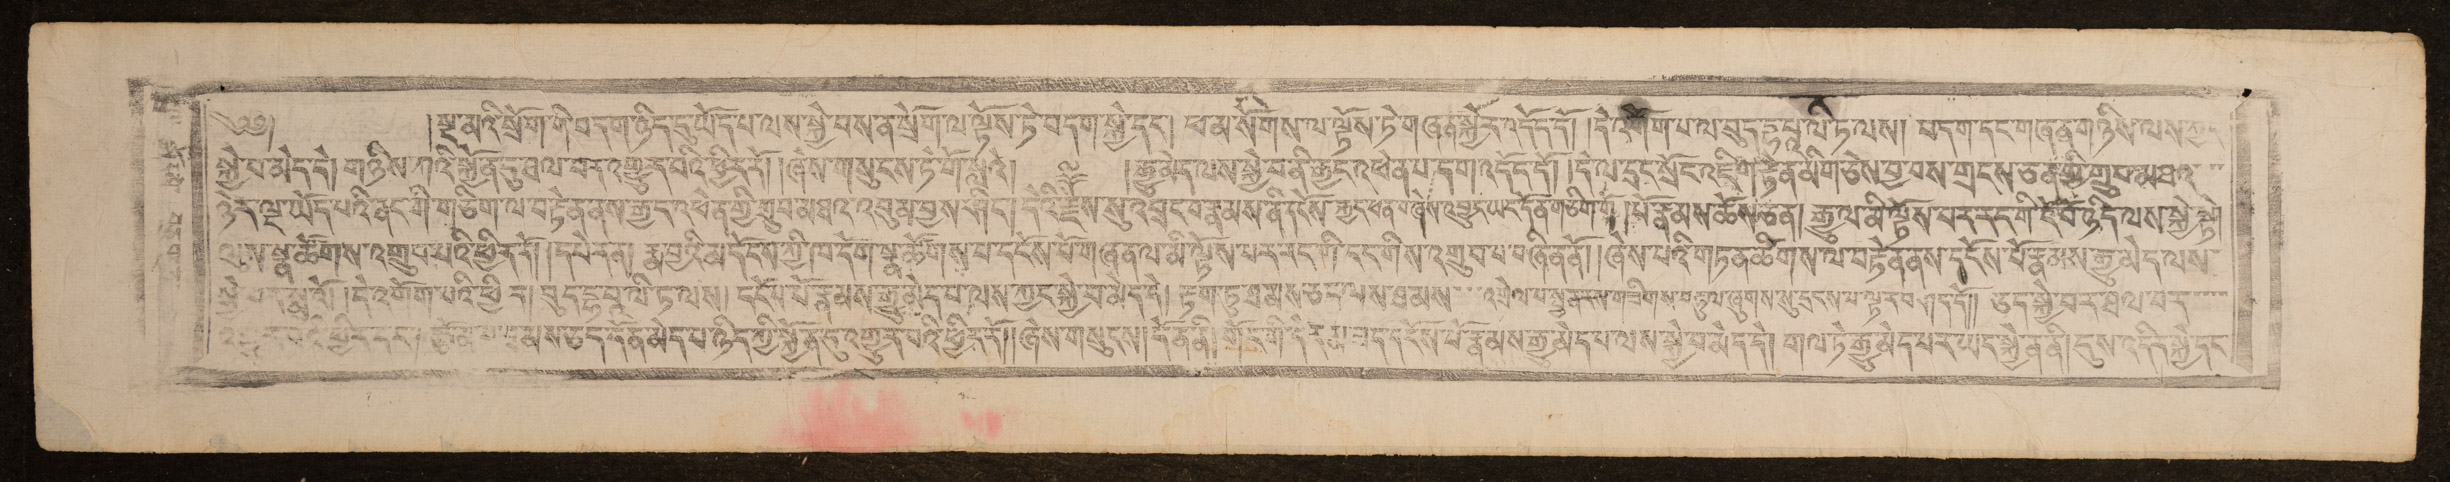༄༅། །སྔ་མའི་སྲོག་གི་བདག་ཉིད་དུ་ཡོད་པ་ལས་སྐྱེ་བས་ན་སྲོག་ལ་ལྟོས་ཏེ་བདག་སྐྱེ་དང་། ཕ་མ་སོགས་ལ་ལྟོས་ཏེ་གཞན་སྐྱེར་འདོད་དོ། །དེ་འགོག་པ་ལ་བུདྡྷ་པཱ་ལི་ཏ་ལས། བདག་དང་གཞན་གཉིས་ལས་ཀྱང་
སྐྱེ་བ་མེད་དེ། གཉིས་ཀའི་སྐྱོན་དུ་ཐལ་བར་འགྱུར་བའི་ཕྱིར་རོ། །ཞེས་གསུངས་ཏེ་གོ་སླའོ། ༈ །རྒྱུ་མེད་ལས་སྐྱེ་བ་ནི་རྒྱང་འཕེན་པ་རྐྱང་ཕན་པ་ཞེས་འབྱུང་ཡང་དོན་གཅིག་གོ ། དག་འདོད་དོ། །དེ་ལ་དྲང་སྲོང་འཇིག་རྟེན་མིག་ཅེས་བྱ་བས་གྲངས་ཅན་གྱི་གྲུབ་མཐའ་
ཉེར་ལྔ་ཡོད་པའི་ནང་གི་གཅིག་ལ་བརྟེན་ནས་རྒྱང་འཕེན་གྱི་གྲུབ་མཐའ་འབུམ་བྱས་ཤིང་། དེའི་རྗེས་སུ་འབྲང་བ་རྣམས་ནི་དངོས་པོ་རྣམས་ཆོས་ཅན། རྒྱུ་ལ་མི་ལྟོས་པར་རང་གི་ངོ་བོ་ཉིད་ལས་སྐྱེ་སྟེ།
ལུས་སྣ་ཚོགས་འགྲུབ་པའི་ཕྱིར་རོ། །དཔེར་ན། རྨ་བྱའི་མདོངས་ཀྱི་ཁ་དོག་སྣ་ཚོགས་པ་དངོས་པོ་གཞན་ལ་མི་ལྟོས་པར་རང་གི་ངང་གིས་འགྲུབ་པ་བཞིན་ནོ། ། འགྲེལ་པ་སྤྱན་རས་གཟིགས་བརྟུལ་ཞུགས་སུ་དྲངས་པ་ལྟར་བཤད་དོ། །  ཞེས་པའི་གཏན་ཚིགས་ལ་བརྟེན་ནས་དངོས་པོ་རྣམས་རྒྱུ་མེད་ལས་
སྐྱེ་བར་སྨྲའོ། །དེ་འགོག་པའི་ཕྱིར། བུད་དྷ་པཱ་ལི་ཏ་ལས། དངོས་པོ་རྣམས་རྒྱུ་མེད་པ་ལས་ཀྱང་སྐྱེ་བ་མེད་དེ། རྟག་ཏུ་ཐམས་ཅད་ལས་ཐམས་འགྲེལ་པ་སྤྱན་རེས་གཟིགས་བརྟུལ་ཞུགས་སུ་དྲངས་པ་ལྟར་བཤད་དོ།  །ཅད་སྐྱེ་བར་ཐལ་བར་
འགྱུར་བའི་ཕྱིར་དང་། རྩོམ་པ་ཐམས་ཅད་དོན་མེད་པ་ཉིད་ཀྱི་སྐྱོན་དུ་འགྱུར་བའི་ཕྱིར་རོ། །ཞེས་གསུངས། དོན་ནི། གོང་གི་དེར་མ་ཟད་དངོས་པོ་རྣམས་རྒྱུ་མེད་པ་ལས་སྐྱེ་བ་མེད་དེ། གལ་ཏེ་རྒྱུ་མེད་པར་ཡང་སྐྱེ་ན་ནི། དུས་འདིར་སྐྱེ་དང་